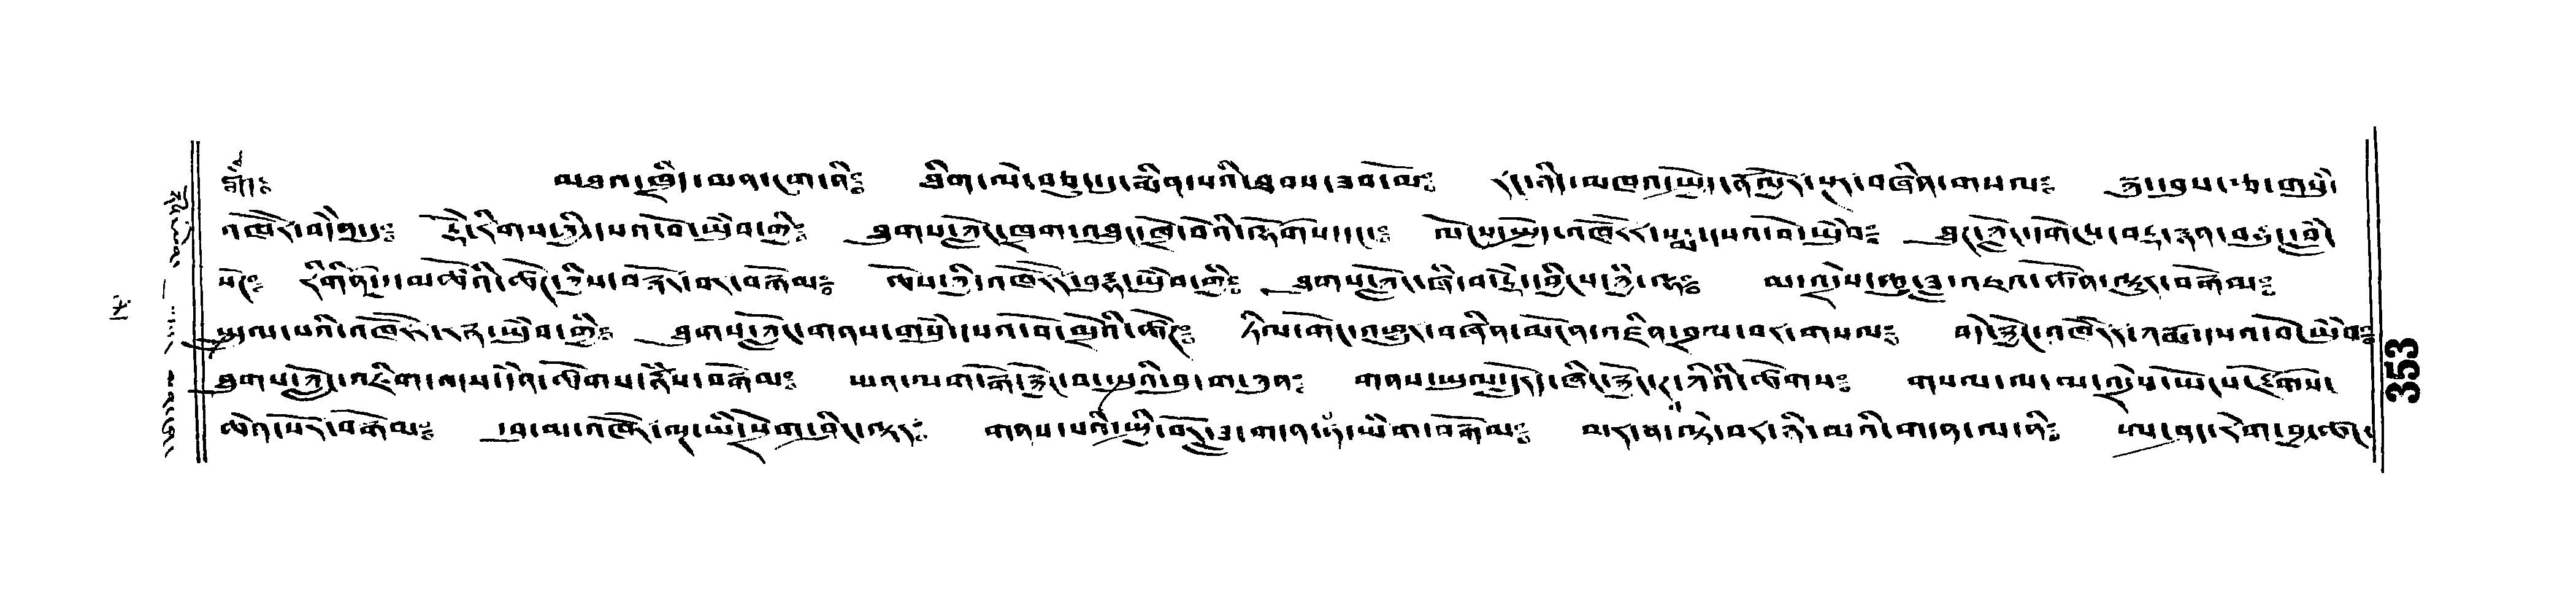མཐའ་ཁྲིད་མན་ངག་ནི༔ ཐིག་ལེ་བཅུད་དུ་སྨིན་པའི་ཐབས་ཟབ་མོ༔ རང་ཉིད་མཁའ་སྤྱོད་རྣལ་འབྱོར་སྔར་བཞིན་གསལ༔ སྐུ་དབུས་རྩ་གསུམ་
འཁོར་ལོ་བདེ་ཆེན་དུ༔ རྡོ་རྗེ་རིགས་ཀྱི་དཔའ་བོ་ཡབ་ཡུམ་གྱི༔ ཐུགས་ཀློང་ཁྲག་འཐུང་ཁྲོ་བོའི་ལྷ་ཚོགས་དང༔ ལོངས་སྤྱོད་འཁོར་ལོ་པདྨ་དཔའ་བོ་ཡབ་ཡུམ༔ ཐུགས་ཀློང་དགོངས་བརྡ་སྙན་བརྒྱུད་བླ་མ་
སོགས༔ མ་འདྲེས་ཆུ་ཟླ་འཇའ་ཚོན་ལྟ་བུར་བསྒོམ༔ སྤྲུལ་པའི་འཁོར་ལོར་རཏྣ་ཡབ་ཡུམ་གྱི༔ མ་འདྲིས་ཆུ་ཟླ་འཇའ་ཚོན་ལྟུར་བསྒོམ་
སྤྲུལ་བའི་འཁོར་ཉ་ཡབ་ཡུམ་གྱ྄྄྄྄྄ི༷༷༷༷༷༔ ཐུགས་ཀློང་གནས་གསུམ་དཔའ་བོ་མཁའ་འགྲོའི་ཚོགས༔ ཏིལ་གོང་འཕྱུར་བཞིན་མངོན་འཛིན་བྲལ་བར་གསལ༔ བདེ་སྐྱོང་འཁོར་ལོར་ཀརྨ་དཔའ་བོ་ཡབ་ཡུམ༔ 
ཐུགས་ཀློང་འཇིག་འདས་དམ་ཅན་ཚོགས་རྣམས་བསྒོམ༔ ཡན་ལག་སྒོ་སྐྱོང་བ་སྤུའི་བུ་ག་ཀུན༔ གནས་ཡུལ་དུར་ཁྲོད་ཞིང་སྐྱོང་ཌཱ་ཀིའི་ཚོགས༔ གསལ་ལ་མ་འདྲེས་ཡོངས་རྫོགས་
ཆེན་པོར་བསྒོམ༔ དབུ་མ་འཁོར་ལོ་ལྔ་ཡི་སྲོག་ཤིང་ལྟར༔ གནས་པའི་སྤྱི་བོར་ཟླ་གདན་ཧཾ་ཡིག་བསྒོམ༔ མར་སྣ་ལྟེ་བར་ཉི་མའི་གདན་ལ་ནི༔ ཨ་ཤད་རེག་བྱ་ཚ་